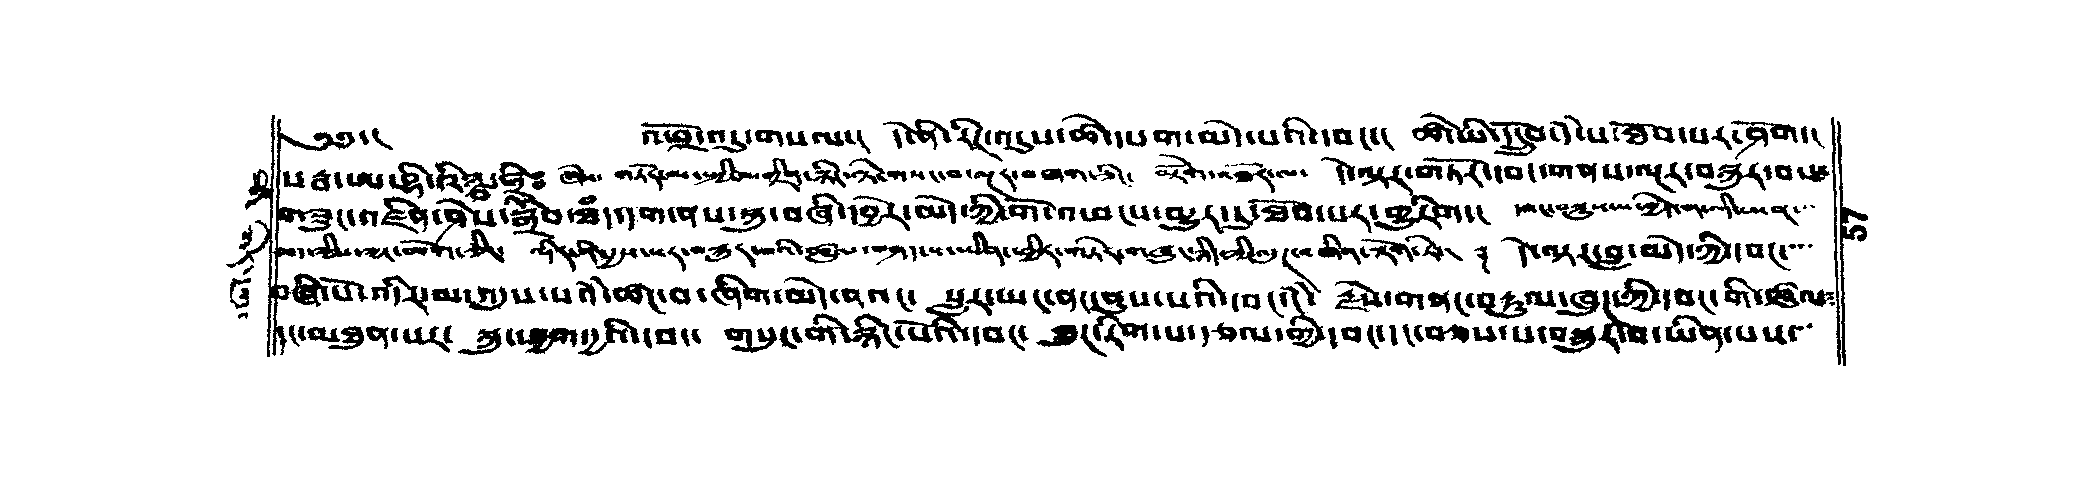འཕྲོ་འདུ་གསལ། དེ་ནི་རིགས་འདུས་ཚེ་དཔག་མེད་པའི་དབང་། ཚེ་ཡིད་དངོས་གྲུབ་དམ་པ་ཐོབ་པར་ཤོག 
སརྦ་ཨ་བྷི་རིཉྩ་ཧྲཱིཿ ཞེས། གཏོར་མ་སྤྱི་མགྲིན་སྙིང་ལྟེ་གསང་བ་ལྔར་བཞག་ཅིང་། མེ་ཏོག་འཐོར་ལ། དེ་ལྟར་གཏོར་དབང་གནས་ལྔར་བསྐུར་བས་
གཟུང་འཛིན་ཤེས་སྒྲིབ་ཐམས་ཅད་དག་ནས་སྐུ་བཞི་དབྱེར་མེད་ཀྱི་གོ་འཕང་མྱུར་དུ་ཐོབ་པར་གྱུར་ཅིག དབང་བསྡུས་པ་བྱེད་ན་འདི་ཡན་
ཆད་ཀྱིས་ཀྱང་ཆོག་ཅིང་། འདིར་ནི་རྒྱས་པར་བསྐུར་བའི་ཚུལ་བཤད་པ་ཡིན་ཕྱིར་གཏེར་གཞུང་ཉིད་དཀྱི་ལུགས་བཞིན་རྟོག་ཏེ། ༈ དེ་ལྟར་བླ་མེད་ཀྱི་དབང་
བཞི་པོ་འདིར་མ་འདུས་པའམ་ཚང་བ་ཞིག་མེད་ནའང་། སླར་ཡང་ནང་ནུས་པའི་དབང་ངམ། རྗེས་གནང་བརྟུལ་ཞུགས་ཀྱི་དབང་གི་ཚུལ་
དང་མཐན་པར། སྐུ་ཕྱག་རྒྱའི་དབང་། གསུང་གི་སྙིང་པོའི་དབང་། ཐུགས་རིག་པ་རྩལ་གྱི་དབང་དང་བཅས་པ་བསྐུར་བ་ཡིན་པས་